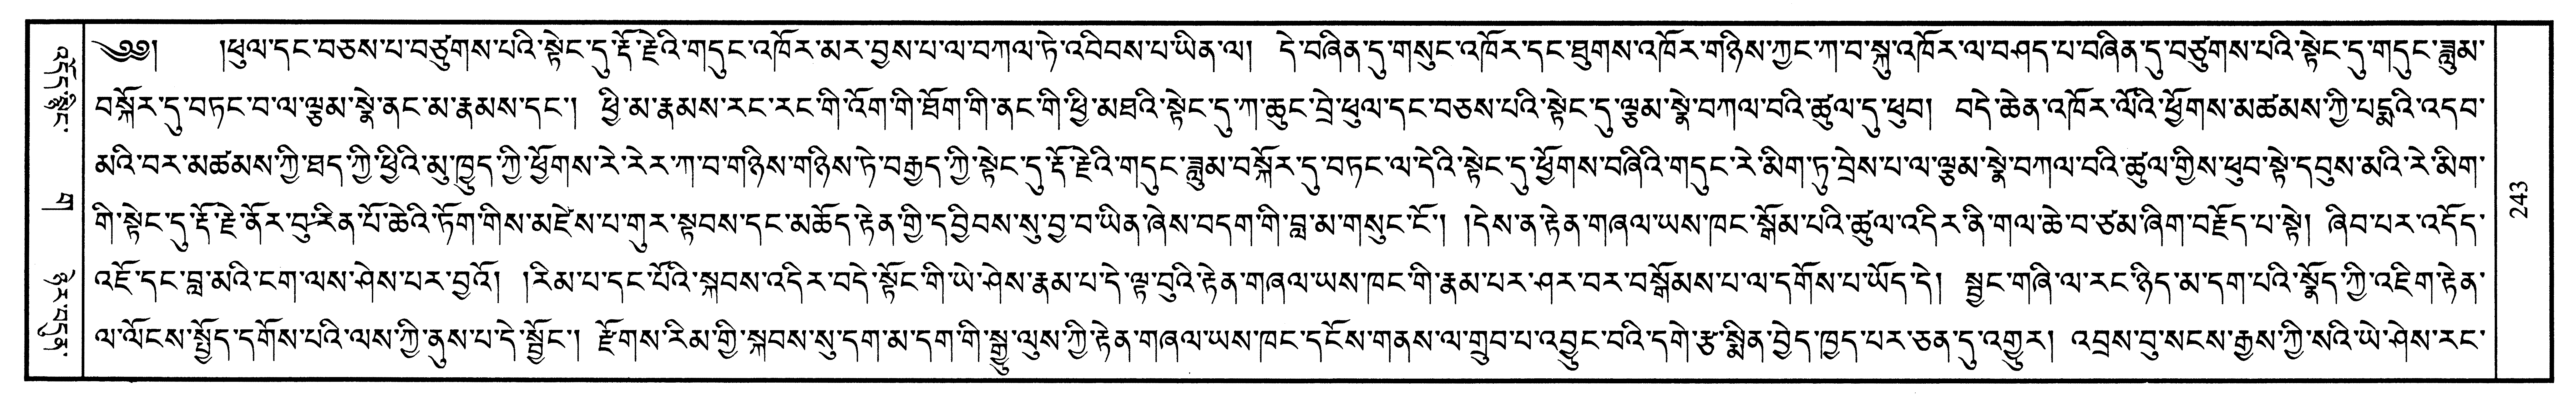༄༅། །ཕུལ་དང་བཅས་པ་བཙུགས་པའི་སྟེང་དུ་རྡོ་རྗེའི་གདུང་འཁོར་མར་བྱས་པ་ལ་བཀལ་ཏེ་འབིབས་པ་ཡིན་ལ། དེ་བཞིན་དུ་གསུང་འཁོར་དང་ཐུགས་འཁོར་གཉིས་ཀྱང་ཀ་བ་སྐུ་འཁོར་ལ་བཤད་པ་བཞིན་དུ་བཙུགས་པའི་སྟེང་དུ་གདུང་ཟླུམ་
བསྐོར་དུ་བཏང་བ་ལ་ལྕམ་སྣེ་ནང་མ་རྣམས་དང་། ཕྱི་མ་རྣམས་རང་རང་གི་འོག་གི་ཐོག་གི་ནང་གི་ཕྱི་མཐའི་སྟེང་དུ་ཀ་ཆུང་བྲེ་ཕུལ་དང་བཅས་པའི་སྟེང་དུ་ལྕམ་སྣེ་བཀལ་བའི་ཚུལ་དུ་ཕུབ། བདེ་ཆེན་འཁོར་ལོའི་ཕྱོགས་མཚམས་ཀྱི་པདམའི་འདབ་
མའི་བར་མཚམས་ཀྱི་ཐད་ཀྱི་ཕྱིའི་མུ་ཁྱུད་ཀྱི་ཕྱོགས་རེ་རེར་ཀ་བ་གཉིས་གཉིས་ཏེ་བརྒྱད་ཀྱི་སྟེང་དུ་རྡོ་རྗེའི་གདུང་ཟླུམ་བསྐོར་དུ་བཏང་ལ་དེའི་སྟེང་དུ་ཕྱོགས་བཞིའི་གདུང་རེ་མིག་ཏུ་བྲེས་པ་ལ་ལྕམ་སྣེ་བཀལ་བའི་ཚུལ་གྱིས་ཕུབ་སྟེ་དབུས་མའི་རེ་མིག་
གི་སྟེང་དུ་རྡོ་རྗེ་ནོར་བུ་རིན་པོ་ཆེའི་ཏོག་གིས་མཛེས་པ་གུར་སྟབས་དང་མཆོད་རྟེན་གྱི་དབྱིབས་སུ་བྱ་བ་ཡིན་ཞེས་བདག་གི་བླ་མ་གསུང་ངོ། །དེས་ན་རྟེན་གཞལ་ཡས་ཁང་སྒོམ་པའི་ཚུལ་འདིར་ནི་གལ་ཆེ་བ་ཙམ་ཞིག་བརྗོད་པ་སྟེ། ཞིབ་པར་འདོད་
འཇོ་དང་བླ་མའི་ངག་ལས་ཤེས་པར་བྱའོ། །རིམ་པ་དང་པོའི་སྐབས་འདིར་བདེ་སྟོང་གི་ཡེ་ཤེས་རྣམ་པ་དེ་ལྟ་བུའི་རྟེན་གཞལ་ཡས་ཁང་གི་རྣམ་པར་ཤར་བར་བསྒོམས་པ་ལ་དགོས་པ་ཡོད་དེ། སྦྱང་གཞི་ལ་རང་ཉིད་མ་དག་པའི་སྣོད་ཀྱི་འཇིག་རྟེན་
ལ་ལོངས་སྤྱོད་དགོས་པའི་ལས་ཀྱི་ནུས་པ་དེ་སྦྱོང་། རྫོགས་རིམ་གྱི་སྐབས་སུ་དག་མ་དག་གི་སྒྱུ་ལུས་ཀྱི་རྟེན་གཞལ་ཡས་ཁང་དངོས་གནས་ལ་གྲུབ་པ་འབྱུང་བའི་དགེ་རྩ་སྨིན་བྱེད་ཁྱད་པར་ཅན་དུ་འགྱུར། འབྲས་བུ་སངས་རྒྱས་ཀྱི་སའི་ཡེ་ཤེས་རང་